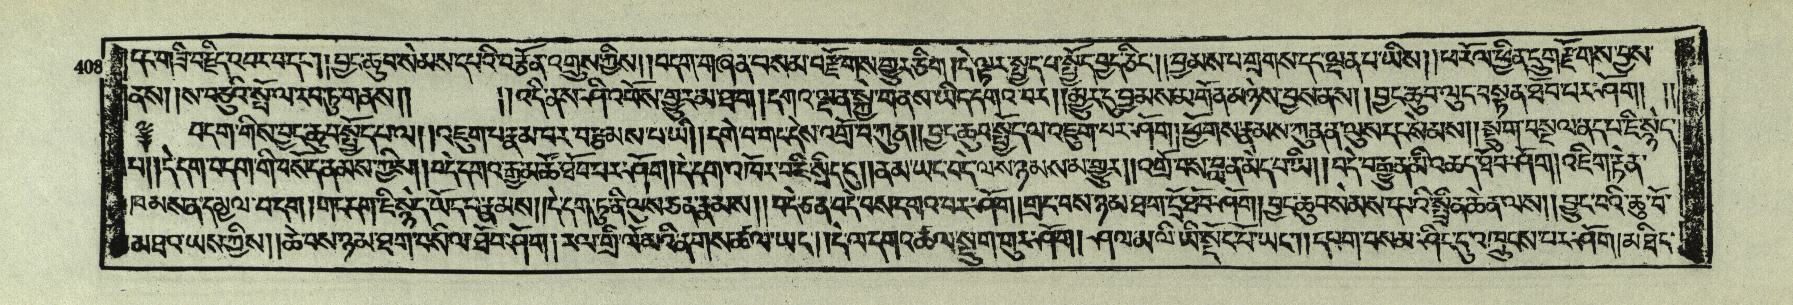དང་གཟི་བརྗིད་འབར་བ་དང་། །བྱང་ཆུབ་སེམས་དཔའི་བརྩོན་འགྲུས་ཀྱིས། །བདག་གཞན་བསམ་བརྫོགས་གྱུར་ཅིག །དེ་ལྟར་སྤྱད་པ་སྤྱོད་བྱད་ཅིང་། །བྱམས་པ་གྲགས་དང་ལྡན་པ་ཡིས། །ཕ་རོལ་ཕྱིན་དྲུག་རྫོགས་བྱས་
ནས། །ས་བཅུའི་སྤོ་ལ་རབ་ཏུ་གནས།། །།འདི་ནས་ཤི་འཕོས་གྱུར་མ་ཐག །དགའ་ལྡན་སྐྱེ་གནས་ཡིད་དགའ་བར། །མྱུར་དུ་བྱམས་མགོན་མཉེས་བྱས་ནས། །བྱང་ཆུབ་ལུང་བསྟན་ཐོབ་པར་ཤོག། །།
འ་བདག་གིས་བྱང་ཆུབ་སྤྱོད་པ་ལ། །འཇུག་པ་རྣམ་པར་བརྩམས་པ་ཡི། །དགེ་བ་གང་དེས་འགྲོ་བ་ཀུན། །བྱང་ཆུབ་སྤྱོད་ལ་འཇུག་པར་ཤོག །ཕྱོགས་རྣམས་ཀུན་ན་ལུས་དང་སེམས། །སྡུག་བསྔལ་ནད་པ་ཇི་སྙེད་
པ། །དེ་དག་བདག་གི་བསོད་ནམས་ཀྱིས། །བདེ་དགའ་རྒྱ་མཚོ་ཐོབ་པར་ཤོག །དེ་དག་འཁོར་བ་ཇི་སྲིད་དུ། །ནམ་ཡང་བདེ་ལས་ཉམས་མ་གྱུར། །འགྲོ་བས་བླ་ན་མེད་པ་ཡི། །བདེ་བ་རྒྱུན་མི་འཆད་ཐོབ་ཤོག། །འཇིག་རྟེན་
ཁམས་ན་དམྱལ་བདག། །གང་དག་ཇི་སྙེད་ཡོད་པ་རྣམས། །དེ་དག་ཏུ་ནི་ལུས་ཅན་རྣམས། །བདེ་ཅན་བདེ་བས་དགའ་བར་ཤོག །གྲང་བས་ཉམ་ཐག་དྲོ་ཐོབ་ཤོག །བྱང་ཆུབ་སེམས་པའི་སྤྲིན་ཆེན་ལས། །བྱུང་བའི་ཆུ་བོ་
མཐའ་ཡས་ཀྱིས། །ཆེ་བས་ཉམ་ཐག་བསིལ་ཐོབ་ཤོག །རལ་གྲི་ལོ་མའི་ནགས་ཚལ་ཡང་། །དེ་ལ་དགའ་ཚལ་སྡུག་གུར་ཤོག། ཤལ་མ་ལི་ཡི་སྡོང་པོ་ཡང་། །དཔག་བསམ་ཤིང་དུ་འཁྲུངས་པར་ཤོག །མཐིང་